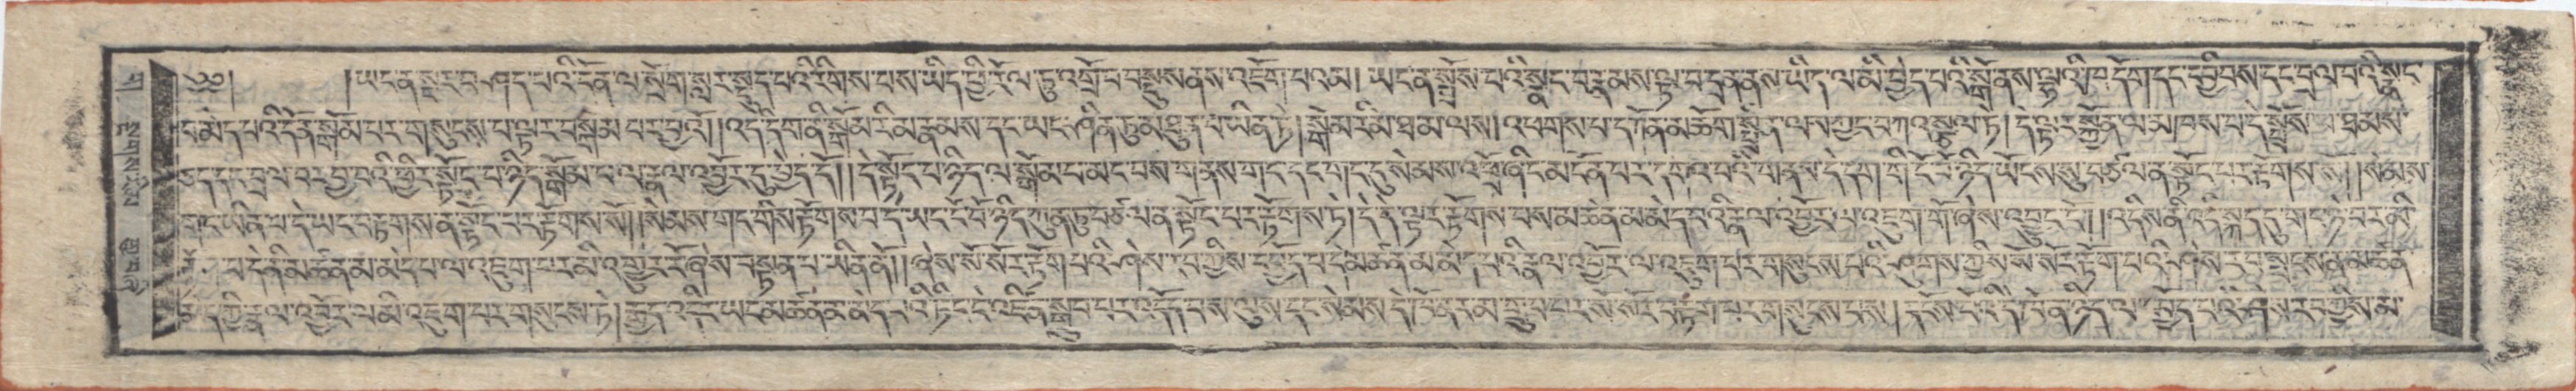༄༅། །ཡང་ན་སྔར་བཤད་པའི་དོན་ལ་སྲོག་སླར་སྡུད་པའི་རིགས་པས་ཡིད་ཕྱི་རོལ་ཏུ་འགྲོ་བ་བསྡུས་ནས་འཇོག་པའམ། ཡང་ན་སྤྲོས་པའི་སྣང་བ་རྣམས་ལྟ་བ་དྲན་ནས་ཡིད་ལ་མི་བྱེད་པའི་སྒོ་ནས་ལྷའི་ཁ་དོག་དང་དབྱིབས་དང་བྲལ་བའི་སྣང་
བ་མེད་པའི་དོན་སྒོམ་པར་གསུངས་པ་ལྟར་བསྒོམ་པར་བྱའོ། །འདི་དག་ནི་སྒོམ་རིམ་རྣམས་དང་ཡང་ཤིན་ཏུ་མཐུན་པ་ཡིན་ཏེ། སྒོམ་རིམ་ཐ་མ་ལས། འཕགས་པ་དཀོན་མཆོག་སྤྲིན་ལས་ཀྱང་བཀའ་སྩལ་ཏེ། དེ་ལྟར་སྐྱོན་ལ་མཁས་པ་དེ་སྤྲོས་པ་ཐམས་
ཅད་དང་བྲལ་བར་བྱ་བའི་ཕྱིར་སྟོང་པ་ཉིད་སྒོམ་པ་ལ་རྣལ་འབྱོར་དུ་བྱེད་དོ། །དེ་སྟོང་པ་ཉིད་ལ་སྒོམ་པ་མང་བས་གནས་གང་དང་གང་དུ་སེམས་འཕྲོ་ཞིང་མངོན་པར་དགའ་བའི་གནས་དེ་དག་གི་ངོ་བོ་ཉིད་ཡོངས་སུ་བཙལ་ན་སྟོང་པར་རྟོགས་སོ། །སེམས་
གང་ཡིན་པ་དེ་ཡང་བརྟགས་ན་སྟོང་པར་རྟོགས་སོ། །སེམས་གང་གིས་རྟོགས་པ་དེ་ཡང་ངོ་བོ་ཉིད་ཀུན་ཏུ་བཙལ་ན་སྟོང་པར་རྟོགས་ཏེ། དེ་དེ་ལྟར་རྟོགས་པས་མཚན་མ་མེད་པའི་རྣལ་འབྱོར་ལ་འཇུག་གོ་ཞེས་འབྱུང་ངོ། །འདིས་ནི་འདི་སྐད་དུ་གང་ཉེ་བར་མི་
རྟོག་པ་དེ་ནི་མཚན་མ་མེད་པ་ལ་འཇུག་པར་མི་འགྱུར་རོ་ཞེས་བསྟན་པ་ཡིན་ནོ། །ཞེས་སོ་སོར་རྟོག་པའི་ཤེས་རབ་ཀྱིས་དཔྱོད་པ་དེ་མཚན་མ་མེད་པའི་རྣལ་འབྱོར་ལ་འཇུག་པར་གསུངས་པའི་ཤུགས་ཀྱིས་སོ་སོར་རྟོག་པའི་ཤེས་རབ་སྤངས་ན་མཚན་
མེད་ཀྱི་རྣལ་འབྱོར་ལ་མི་འཇུག་པར་གསུངས་ཏེ། རྒྱད་འདིར་ཡང་མཚན་མ་མེད་པའི་ཏིང་ངེ་འཛིན་སྒྲུབ་པར་འདོད་པས་ལུས་དང་སེམས་དེ་ཁོ་ནར་མ་གྲུབ་པར་སོ་སོར་བརྟག་པར་གསུངས་པས། དངོས་པོའི་དེ་ཁོ་ན་ཉིད་ལ་དཔྱོད་པའི་ཤེས་རབ་ཀྱིས་མ་